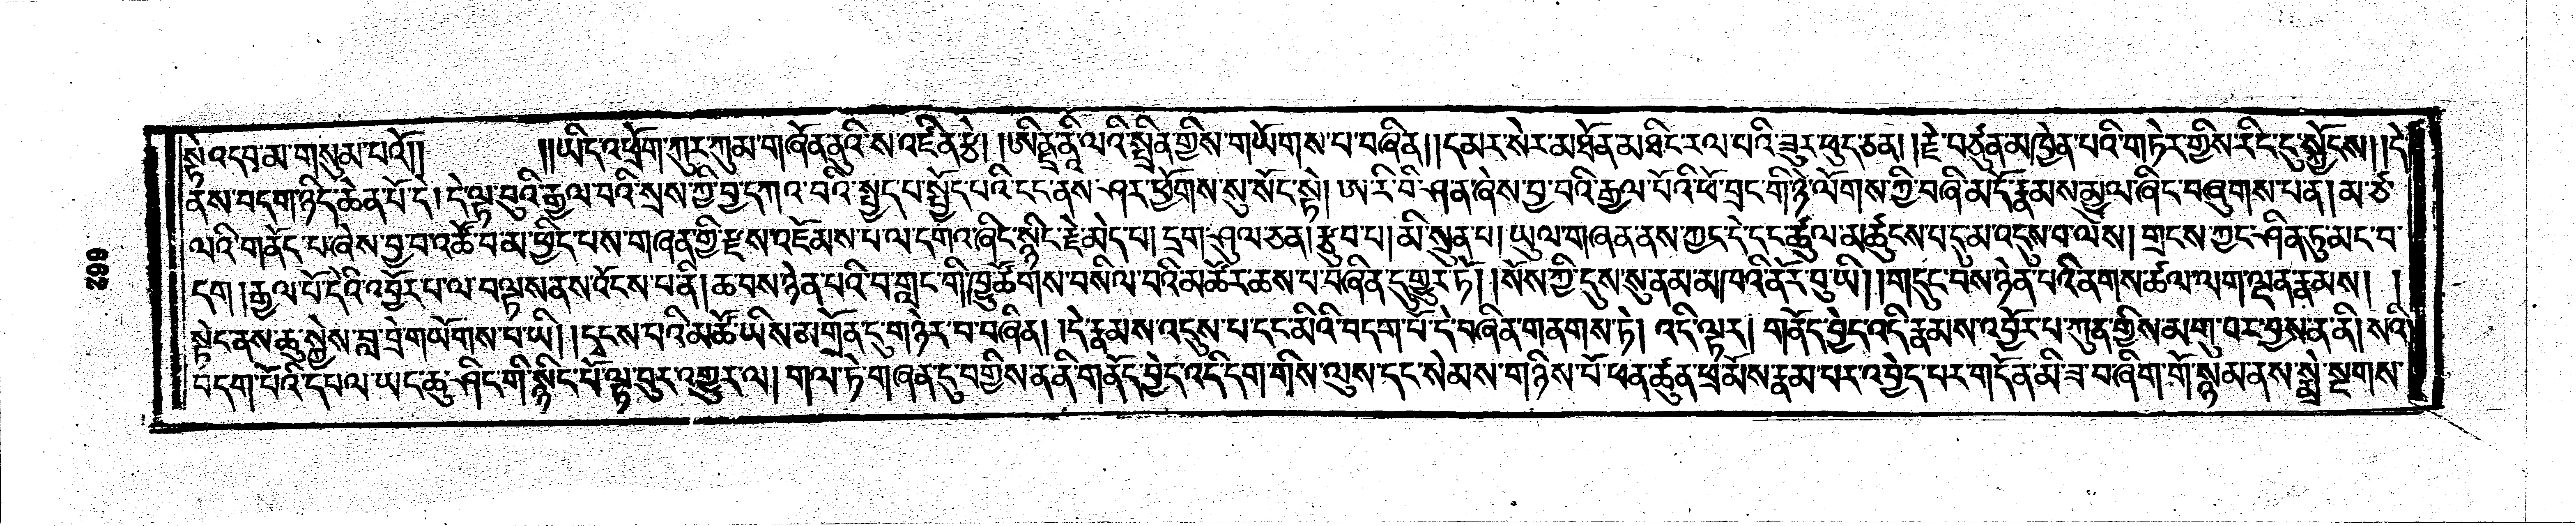སྟེ་འདབ་མ་གསུམ་པའོ།། །།ཡིད་འཕྲོག་ཀུར་ཀུམ་གཞོན་ནུའི་ས་འཛིན་རྩེ། །ཨིནྡྲ་ནཱི་ལའི་སྤྲིན་གྱིས་གཡོགས་པ་བཞིན། །དམར་སེར་མཐོན་མཐིང་རལ་པའི་ཟུར་ཕུད་ཅན། །རྗེ་བཙུན་མཁྱེན་པའི་གཏེར་གྱིས་རིང་དུ་སྐྱོངས། །དེ་
ནས་བདག་ཉིད་ཆེན་པོ་དེ། དེ་ལྟ་བུའི་རྒྱལ་བའི་སྲས་ཀྱི་བྱ་དཀའ་བའི་སྤྱད་པ་སྤྱོད་པའི་ངང་ནས་ཤར་ཕྱོགས་སུ་སོང་སྟེ། ཨ་རི་བི་ཤ་ན་ཞེས་བྱ་བའི་རྒྱལ་པོའི་ཕོ་བྲང་གི་ཉེ་ལོགས་ཀྱི་བཞི་མདོ་རྣམས་མྱུལ་ཞིང་བཞུགས་པ་ན། མ་ཙ་
ལའི་གནོད་པ་ཞེས་བྱ་བ་འཚོ་བ་མ་ཕྱིད་པས་གཞན་གྱི་རྫས་འཇོམས་པ་ལ་དགའ་ཞིང་སྙིང་རྗེ་མེད་པ། དྲག་ཤུལ་ཅན། རྩུབ་པ། མི་སྲུན་པ། ཡུལ་གཞན་ནས་ཀྱང་དེ་དང་ཚུལ་མཚུངས་པ་དུ་མ་འདུས་པ་ལས། གྲངས་ཀྱང་ཤིན་ཏུ་མང་བ་
དག །རྒྱལ་པོ་དེའི་འབྱོར་པ་ལ་བལྟས་ནས་འོངས་པ་ནི། ཚ་བས་ཉེན་པའི་བ་གླང་གི་ཁྱུ་ཚོགས་བསིལ་བའི་མཚོར་ཆས་པ་བཞིན་དུ་གྱུར་ཏོ། །སོས་ཀྱི་དུས་སུ་ནམ་མཁའི་ནོར་བུ་ཡི། །གདུང་བས་ཉེན་པའི་ནགས་ཚལ་ལག་ལྡན་རྣམས། །
སྟེང་ནས་ཆུ་སྐྱེས་བླ་བྲེ་གཡོགས་པ་ཡི། །དྭངས་བའི་མཚོ་ཡིས་མགོན་དུ་གཉེར་བ་བཞིན། །དེ་རྣམས་འདུས་པ་དང་མིའི་བདག་པོ་དེ་བཞིན་གནགས་ཏེ། འདི་ལྟར། གནོད་བྱེད་འདི་རྣམས་འབྱོར་པ་ཀུན་གྱིས་མགུ་བར་བྱས་ན་ནི། སའི་
བདག་པོའི་དཔལ་ཡང་ཆུ་ཤིང་གི་སྙིང་པོ་ལྟ་བུར་འགྱུར་ལ། གལ་ཏེ་གཞན་དུ་བགྱིས་ན་ནི་གནོད་བྱེད་འདི་དག་གིས་ལུས་དང་སེམས་གཉིས་པོ་ཕན་ཚུན་ཕྲ་མས་རྣམ་པར་འབྱེད་པར་གདོན་མི་ཟ་བ་ཞིག་གོ་སྙམ་ནས་སྨྲེ་སྔགས་